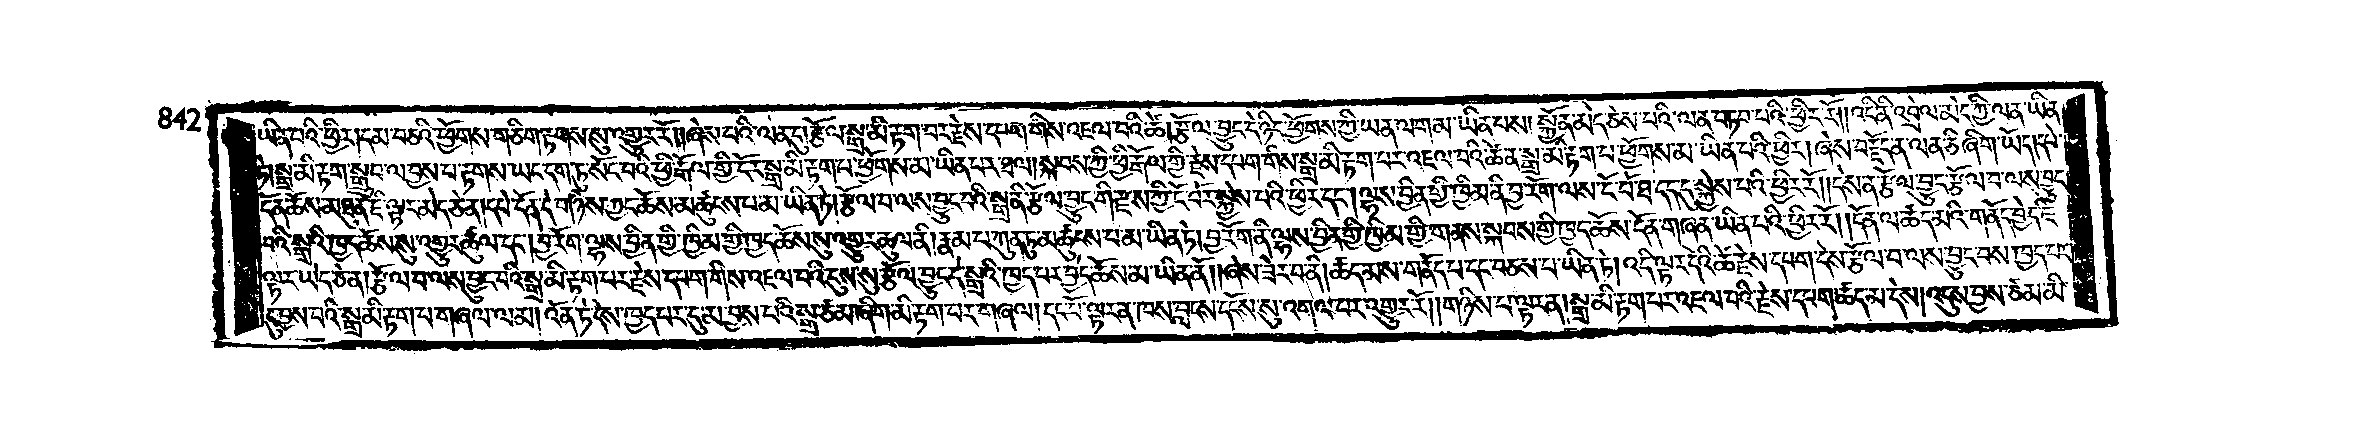ཡིན་པའི་ཕྱིར། དམ་བཅའི་ཕྱོགས་གཅིག་རྟགས་སུ་འགྱུར་རོ། །ཞེས་པའི་ལན་དུ། རྩོལ་སྒྲ་མི་རྟག་པར་རྗེས་དཔག་གིས་འཇལ་བའི་ཚེ། རྩོལ་བྱུང་དེ་ཉིད་ཕྱོགས་ཀྱི་ཡན་ལག་མ་ཡིན་པས། སྐྱོན་མེད་ཅེས་པའི་ལན་བཏབ་པའི་ཕྱིར་རོ། །འདི་ནི་འབྲེལ་མེད་ཀྱི་ལན་ཡིན་
ཏེ། སྒྲ་མི་རྟག་སྒྲུབ་ལ་བྱས་པ་རྟགས་ཡང་དག་ཏུ་སོང་བའི་ཕྱི་རྒོལ་གྱི་ངོར་སྒྲ་མི་རྟག་པ་ཕྱོགས་མ་ཡིན་པར་ཐལ། སྐབས་ཀྱི་ཕྱི་རྒོལ་གྱི་རྗེས་དཔག་གིས་སྒྲ་མི་རྟག་པར་འཇལ་བའི་ཚེ་ན་སྒྲ་མི་རྟག་པ་ཕྱོགས་མ་ཡིན་པའི་ཕྱིར། ཞེས་བརྗོད་ན་ལན་ཅི་ཞིག་ཡོད། དཔེ་
དོན་ཆོས་མཐུན་ཇི་ལྟར་མེད་ཅེ་ན། དཔེ་དོན་དེ་གཉིས་ཀྱང་ཆོས་མཚུངས་པ་མ་ཡིན་ཏེ། རྩོལ་བ་ལས་བྱུང་བའི་སྒྲ་ནི་རྩོལ་བྱུང་གི་རྫས་ཀྱི་ངོ་བོར་སྐྱེས་པའི་ཕྱིར་དང་། ལྷས་བྱིན་གྱི་ཁྱིམ་ནི་བྱ་རོག་ལས་ངོ་བོ་ཐ་དད་དུ་སྐྱེས་པའི་ཕྱིར་རོ། །དེས་ན་རྩོལ་བྱུང་རྩོལ་བ་ལས་བྱུང་
བའི་སྒྲའི་ཁྱད་ཆོས་སུ་འགྱུར་ཚུལ་དང་། བྱ་རོག་ལྷས་བྱིན་གྱི་ཁྱིམ་གྱི་ཁྱད་ཆོས་སུ་འགྱུར་ཚུལ་ནི། རྣམ་པ་ཀུན་ཏུ་མཚུངས་པ་མ་ཡིན་ཏེ། བྱ་རོག་གི་ལྷས་བྱིན་གྱི་ཁྱིམ་གྱི་གནས་སྐབས་གྱི་ཁྱད་ཆོས་དོན་གཞན་ཡིན་པའི་ཕྱིར་རོ། །དོན་ལ་ཚད་མའི་གནོད་བྱེད་ཇི་
ལྟར་ཡོད་ཅེ་ན། རྩོལ་བ་ལས་བྱུང་བའི་སྒྲ་མི་རྟག་པར་རྗེས་དཔག་གིས་འཇལ་བའི་དུས་སུ་རྩོལ་བྱུང་དེ་སྒྲའི་ཁྱད་པར་བྱེད་ཆོས་མ་ཡིན་ནོ། །ཞེས་ཟེར་བ་ནི། ཚད་མས་གནོད་པ་དང་བཅས་པ་ཡིན་ཏེ། འདི་ལྟར་དེའི་ཚེ་རྗེས་དཔག་དེས་རྩོལ་བ་ལས་བྱུང་བས་ཁྱད་པར་
དུ་བྱས་པའི་སྒྲ་མི་རྟག་པ་གཞལ་ལམ། འོན་ཏེ་དེས་ཁྱད་པར་དུ་མ་བྱས་པའི་སྒྲ་ཙམ་ཞིག་མི་རྟག་པར་གཞལ། དང་པོ་ལྟར་ན་ཁས་བླངས་དངོས་སུ་འགལ་བར་འགྱུར་རོ། །གཉིས་པ་ལྟར་ན། སྒྲ་མི་རྟག་པར་འཇལ་བའི་རྗེས་དཔག་ཚད་མ་དེས། འདུས་བྱས་ཙམ་མི་